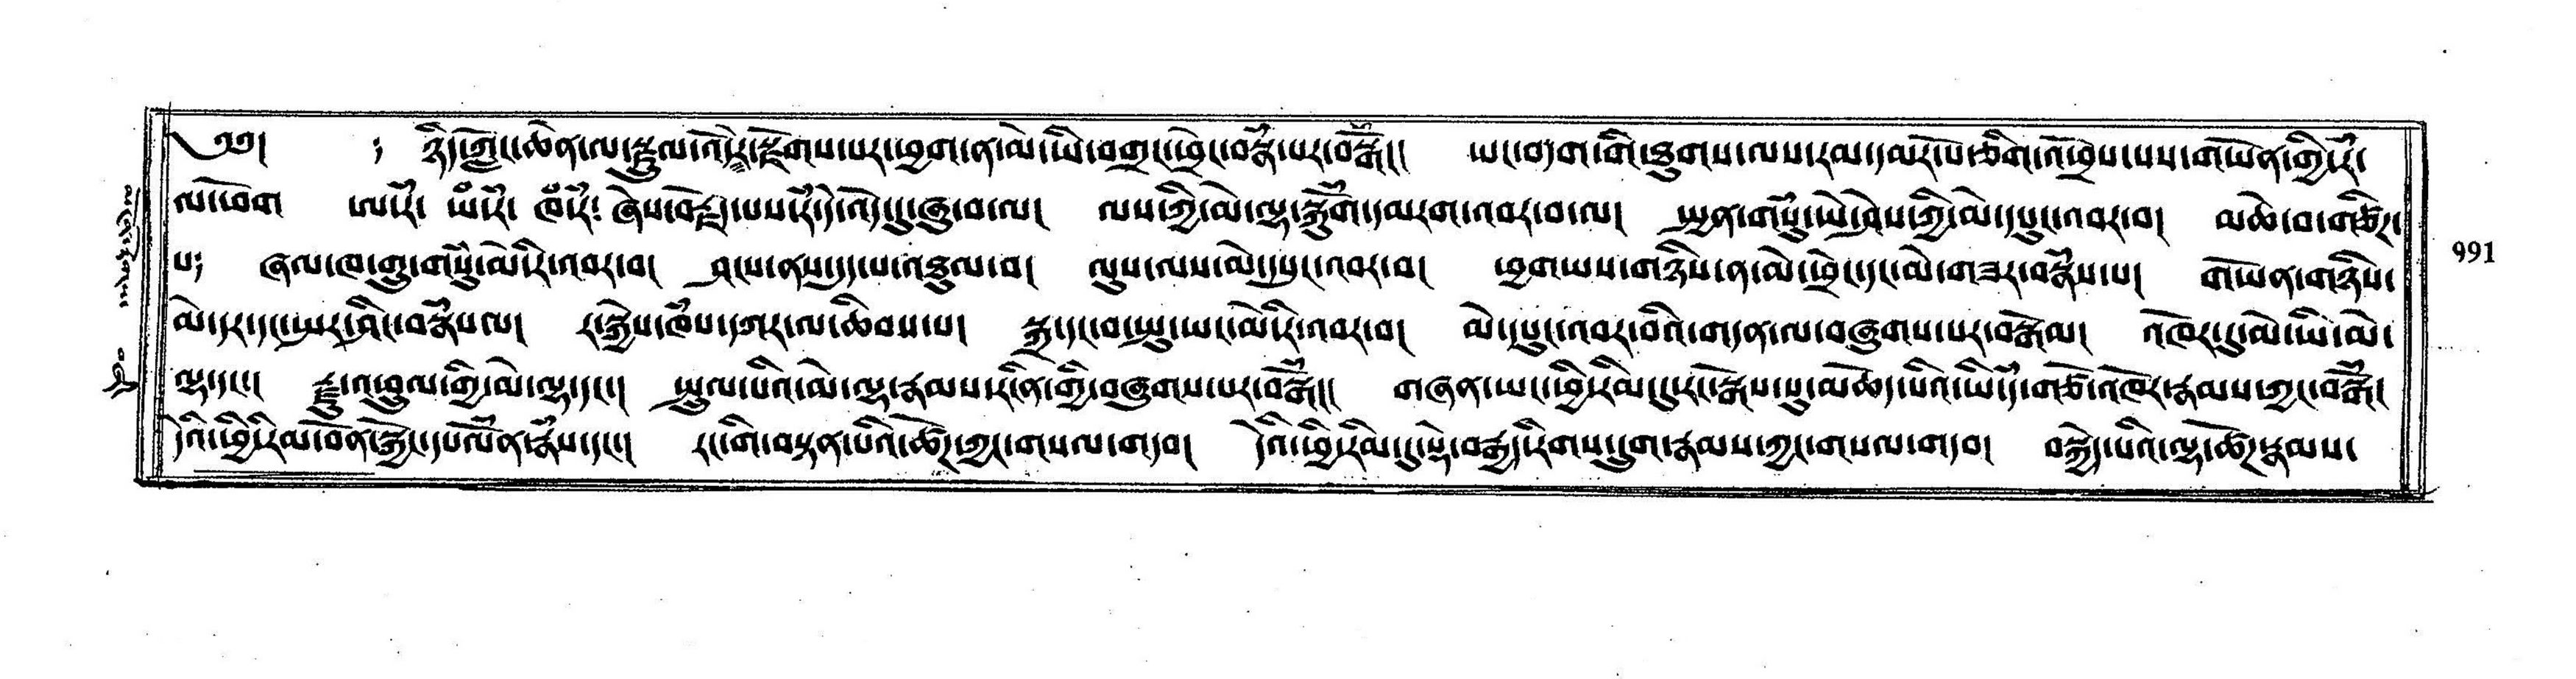ཉིད་ཀློང་ཆེན་ལ་རྫུ་འཕྲུལ་འོད་ཟེར་རྫོགས་པར་ཕྱག་ན་མེ་ཡི་བགྲང་ཕྲེང་བསྣམ་པར་བསྒོམ།། ཡང་བདག་གི་ཐུགས་ལས་རམ་དམར་པོ་ཅིག་འཕྲོས་པས་གཡོན་གྱི་རཾ་
ལ་ཕོག ཨ་རཾ་ཡཾ་རཾ་ཁཾ་རཾ༴ ཞེས་བརྗོད་པས་རཾ་དེ་འོད་དུ་ཞུ་བ་ལ། ལས་ཀྱི་མེ་ལྷ་སྐུ་མདོག་དམར་ནག་འབར་བ་ལ། སྤྱན་གསུམ་ཡེ་ཤེས་ཀྱི་མེ་དཔུང་འབར་བ། མཆེ་བ་གཙིགས་
པ། ཞལ་ཁ་གྲུ་གསུམ་མེ་རི་འབར་བ། ཤངས་ནས་དུད་པ་འཐུལ་བ། ལུས་ལས་མེ་དཔུང་འབར་བ། ཕྱག་གཡས་གཉིས་ན་མེ་ཕྲེང་དང་མེ་གཟར་བསྣམས་པ། གཡོན་གཉིས་
མེ་དར་དང་སྤར་ཤིང་བསྣམས་པ། ར་སྐྱེས་ཁམས་དཀར་ལ་ཆིབས་པ། སྐྲ་དང་བ་སྤུ་ཡང་མེ་རི་འབར་བ། མེ་དཔུང་འབར་བའི་གདན་ལ་བཞུགས་པར་བསྒོམ། འཁོར་དུ་མེ་ཡི་མེ་
ལྷ་དང་། རྫུ་འཕྲུལ་གྱི་མེ་ལྷ་དང་། སྤྲུལ་པའི་མེ་ལྷ་རྣམས་རང་བཞིན་གྱི་བཞུགས་པར་བསྒོམ།། གཞན་ཡང་ཕྱི་རིམ་དུ་རང་སྒོས་སུ་མཆོད་པའི་ཡི་དམ་གཙོ་འཁོར་རྣམས་ཀྱང་བསྒོམ། 
དེའི་ཕྱི་རིམ་བོན་སྐྱོང་དཔལ་མགོན་རྣམས་དང་། རང་གི་བསྟན་པའི་ཚོགས་ཀྱང་གསལ་གདབ། དེའི་ཕྱི་རིམ་དུ་སྡེ་བརྒྱད་རིགས་དྲུག་རྣམས་ཀྱང་གསལ་གདབ། བསྐྱེད་པའི་ལྷ་ཚོགས་རྣམས་